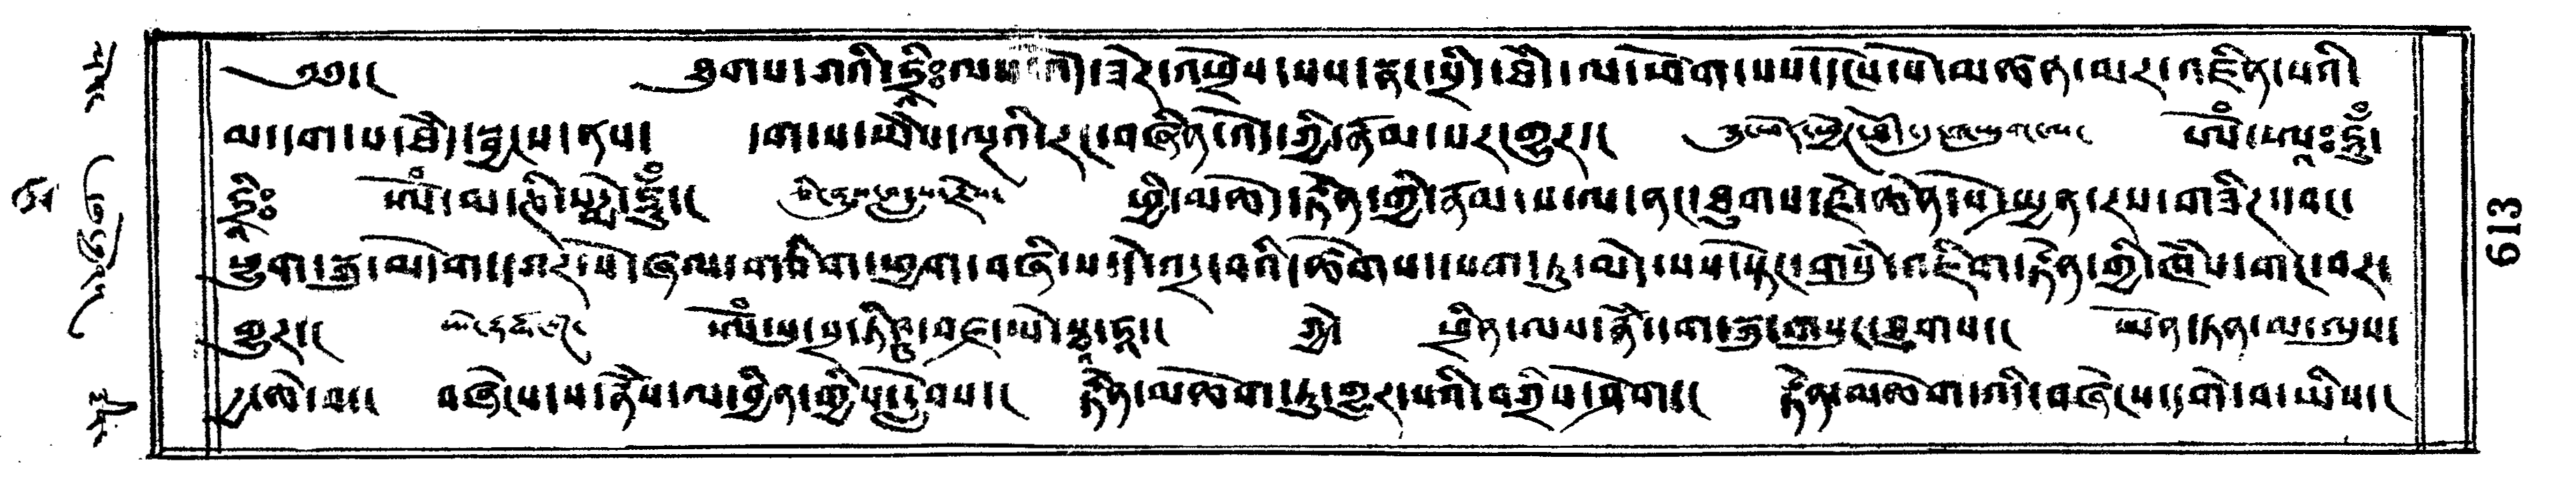ཐུགས་ཀའི་ཧྲཱིཿལས་འོད་ཟེར་འཕྲོས་པས་སྣང་སྲིད་ཐམས་ཅད་ལ་ཕོག་པས་དངོས་པོ་མཚན་མར་འཛིན་པའི་
མ་དག་པ་ཐམས་ཅད་སྦྱངས་ནས། དག་པ་ཡེ་ཤེས་ལྔའི་རང་བཞིན་འོད་ཀྱི་རྣམ་པར་གྱུར། སྐུ་ཕོར་ཕྱོགས་ཐམས་ཅད་དུ་གཡུགས་ལ། ཨོཾ་ཨཱཿཧཱུྃ་
ཧྲཱིཿ ཨོཾ་མ་ཎི་པདྨེ་ཧཱུྃ། ཅི་ནུས་བཟླས་རྗེས། ཕྱི་མཆོད་རྟེན་གྱི་རྣམ་པ་ལ་ནང་ཐུགས་རྗེ་ཆེན་པོ་སྤྱན་རས་གཟིགས་དབང་
ཕྱུག་སྐུ་མདོག་དཀར་པོ་ཞལ་གཅིག་ཕྱག་བཞི་པ་དེ་འདྲ་བའི་ཚོགས་དཔག་ཏུ་མེད་པས་སྟོང་གསུམ་འཇིག་རྟེན་གྱི་ཁམས་གང་བར་
གྱུར། ཡེ་དྷརྨ༴ སོགས། ཨོཾ་སུ་པྲ་ཏིཥྛ་བཛྲ་ཡེ་སྭ་ཧཱ། ཀྱེ། ཕྲིན་ལས་རྣམ་དག་སྐུ་གསུང་ཐུགས། །ཡོན་ཏན་མ་ལུས་
རྒྱ་ཆེ་བ། །བཞེངས་པ་རྣམས་ལ་བྱིན་གྱིས་རློབས། །རྟེན་མཆོག་འགྱུར་པའི་བཀྲ་ཤིས་ཤོག །རྟེན་མཆོག་འདི་བཞེངས་དགེ་བ་ཡིས།